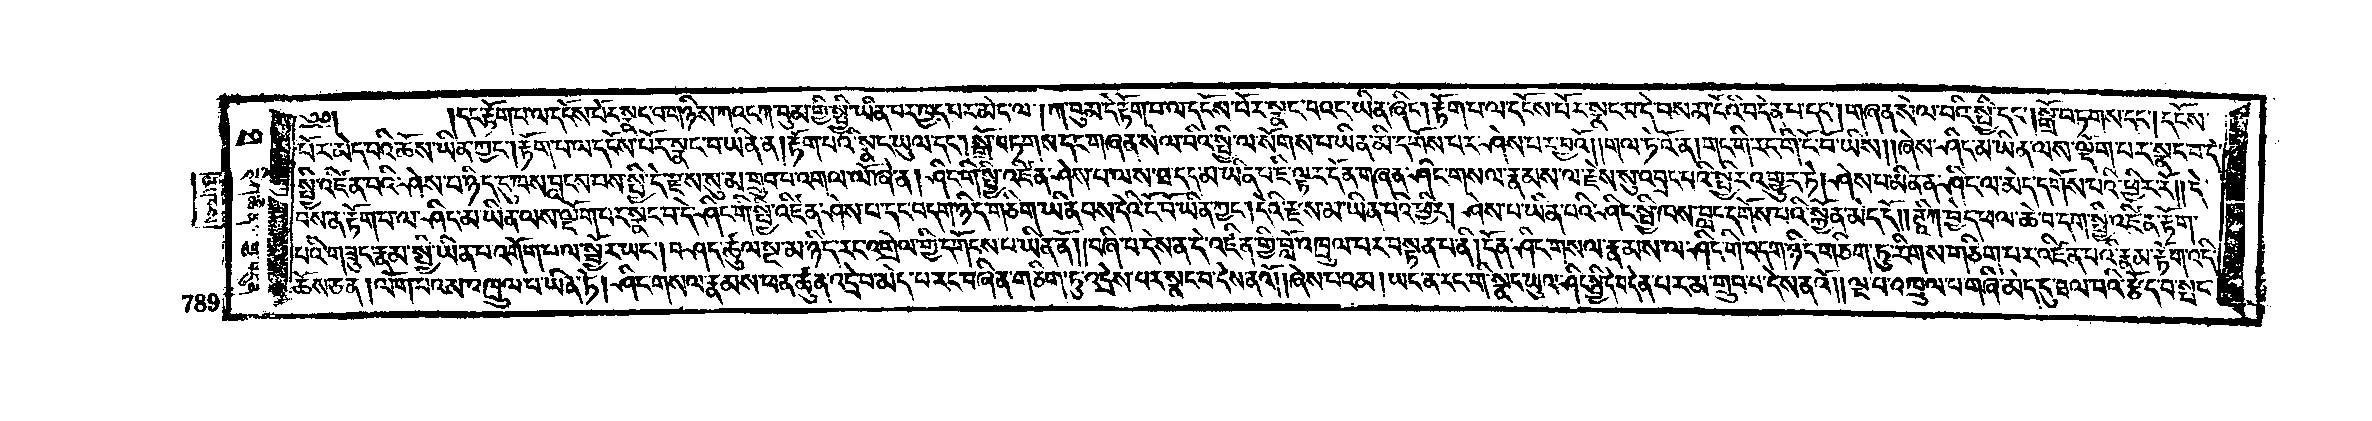༄༅། །དང་རྟོག་པ་ལ་དངོས་པོར་སྣང་བ་གཉིས་ཀའང་ཀ་བུམ་གྱི་སྤྱི་ཡིན་པར་ཁྱད་པར་མེད་ལ། ཀ་བུམ་དེ་རྟོག་པ་ལ་དངོས་པོར་སྣང་བའང་ཡིན་ཞིང་། རྟོག་པ་ལ་དངོས་པོར་སྣང་བ་དེ་བསམ་ངོའི་བདེན་པ་དང་། གཞན་སེལ་བའི་སྤྱི་དང་། སྒྲོ་བཏགས་དང་། དངོས་
པོར་མེད་པའི་ཆོས་ཡིན་ཀྱང་། རྟོག་པ་ལ་དངོས་པོར་སྣང་བ་ཡིན་ན། རྟོག་པའི་སྣང་ཡུལ་དང་། སྒྲོ་བཏགས་དང་གཞན་སེལ་བའི་སྤྱི་ལ་སོགས་པ་ཡིན་མི་དགོས་པར་ཤེས་པར་བྱའོ། །གལ་ཏེ་འོ་ན། གང་གི་རང་གི་ངོ་བོ་ཡིས། །ཞེས་ཤིང་མ་ཡིན་ལས་ལྡོག་པར་སྣང་བ་དེ་
སྤྱི་འཛིན་པའི་ཤེས་པ་ཉིད་དུ་ཁས་བླངས་པས་སྤྱི་དེ་རྫས་སུ་མ་གྲུབ་པ་འགལ་ལོ་ཞེ་ན། ཤིང་གི་སྤྱི་འཛིན་ཤེས་པ་ལས་ཐ་དད་མ་ཡིན་པ་ཇི་ལྟར་དོན་གཞན་ཤིང་གསལ་རྣམས་ལ་རྗེས་སུ་འབྲང་པའི་སྤྱིར་འགྱུར་ཏེ། ཤེས་པ་མིན་ན་ཤིང་ལ་མེད་དགོས་པའི་ཕྱིར་རོ། །དེ་
བས་ན་རྟོག་པ་ལ་ཤིང་མ་ཡིན་ལས་ལྡོག་པར་སྣང་བ་དེ་ཤིང་གི་སྤྱི་འཛིན་ཤེས་པ་དང་བདག་ཉིད་གཅིག་ཡིན་པས་དེའི་ངོ་བོ་ཡིན་ཀྱང་། དེའི་རྫས་མ་ཡིན་པའི་ཕྱིར། ཤེས་པ་ཡིན་པའི་ཤིང་སྤྱི་ཁས་བླང་དགོས་པའི་སྐྱོན་མེད་དོ། །ཊཱིཀ་བྱེད་ཕལ་ཆེ་བ་དག་སྤྱི་འཛིན་རྟོག་
པའི་གཟུང་རྣམ་སྤྱི་ཡིན་པ་འགོག་པ་ལ་སྦྱོར་ཡང་། བཤད་ཚུལ་སྔ་མ་ཉིད་རང་འགྲེལ་གྱི་དགོངས་པ་ཡིན་ནོ། །བཞི་པ་དེས་ན་དེ་འཛིན་གྱི་བློ་འཁྲུལ་པར་བསྟན་པ་ནི། དོན་ཤིང་གསལ་རྣམས་ལ་ཤིང་གི་བདག་ཉིད་གཅིག་ཏུ་རིགས་གཅིག་པར་འཛིན་པའི་རྣམ་རྟོག་འདི་
ཆོས་ཅན། ལོག་པའམ་འཁྲུལ་པ་ཡིན་ཏེ། ཤིང་གསལ་རྣམས་ཕན་ཚུན་འདྲེ་བ་མེད་པ་རང་བཞིན་གཅིག་ཏུ་འདྲེས་པར་སྣང་བ་དེས་ནའོ། །ཞེས་པའམ། ཡང་ན་རང་གི་སྣང་ཡུལ་ཤིང་སྤྱི་དེ་བདེན་པར་མ་གྲུབ་པ་དེས་ནའོ། །ལྔ་པ་འཁྲུལ་པ་གཞི་མེད་དུ་ཐལ་བའི་རྩོད་པ་སྤང་